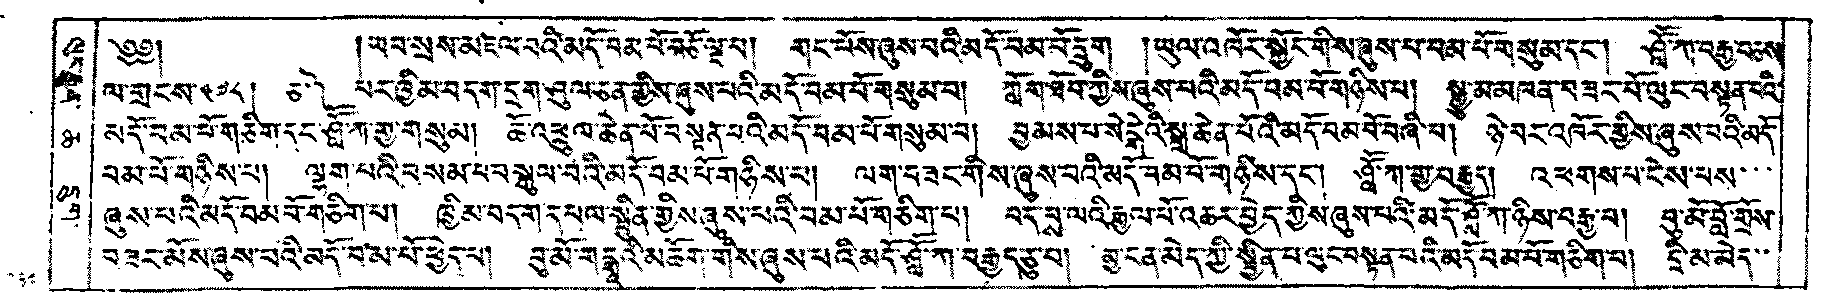༄༅། །ཡབ་སྲས་མཇལ་བའི་མདོ་བམ་པོ་བཅོ་ལྔ་པ། གང་པོས་ཞུས་པའི་མདོ་བམ་པོ་དྲུག །ཡུལ་འཁོར་སྐྱོང་གིས་ཞུས་པ་བམ་པོ་གསུམ་དང་། ཤླཽ་ཀ་བརྒྱ་བཅས་
ལ་གྲངས ༤༧༨། ཅ྄་པར་ཁྱིམ་བདག་དྲག་ཤུལ་ཅན་གྱིས་ཞུས་པའི་མདོ་བམ་པོ་གསུམ་པ། ཀློག་ཐོབ་ཀྱིས་ཞུས་པའི་མདོ་བམ་པོ་གཉིས་པ། སྒྱུ་མ་མཁན་བཟང་པོ་ལུང་བསྟན་པའི་
མདོ་བམ་པོ་གཅིག་དང་ཤླཽ་ཀ་གྱ་གསུམ། ཆོ་འཕྲུལ་ཆེན་པོ་བསྟན་པའི་མདོ་བམ་པོ་གསུམ་པ། བྱམས་པ་སེངྒེའི་སྒྲ་ཆེན་པོའི་མདོ་བམ་པོ་བཞི་པ། ཉེ་བར་འཁོར་གྱིས་ཞུས་པའི་མདོ་
བམ་པོ་གཉིས་པ། ལྷག་པའི་བསམ་པ་བསྐུལ་བའི་མདོ་བམ་པོ་གཉིས་པ། ལག་བཟང་གིས་ཞུས་པའི་མདོ་བམ་པོ་གཉིས་དང་། ཤླཽ་ཀ་གྱ་བརྒྱད། འཕགས་པ་ངེས་པས་
ཞུས་པའི་མདོ་བམ་པོ་གཅིག་པ། ཁྱིམ་བདག་དཔལ་སྦྱིན་གྱིས་ཞུས་པའི་བམ་པོ་གཅིག་པ། བད་པས་ལའི་རྒྱལ་པོ་འཆར་བྱེད་ཀྱིས་ཞུས་པའི་མདོ་ཤླཽ་ཀ་ཉིས་བརྒྱ་པ། བུ་མོ་བློ་གྲོས་
བཟང་མོས་ཞུས་པའི་མདོ་བམ་པོ་ཕྱེད་པ། བུ་མོ་གངྒཱའི་མཆོག་གིས་ཞུས་པའི་མདོ་ཤླཽ་ཀ་བརྒྱད་ཅུ་པ། མྱ་ངན་མེད་ཀྱི་སྦྱིན་པ་ལུང་བསྟན་པའི་མདོ་བམ་པོ་གཅིག་པ། དྲི་མ་མེད་